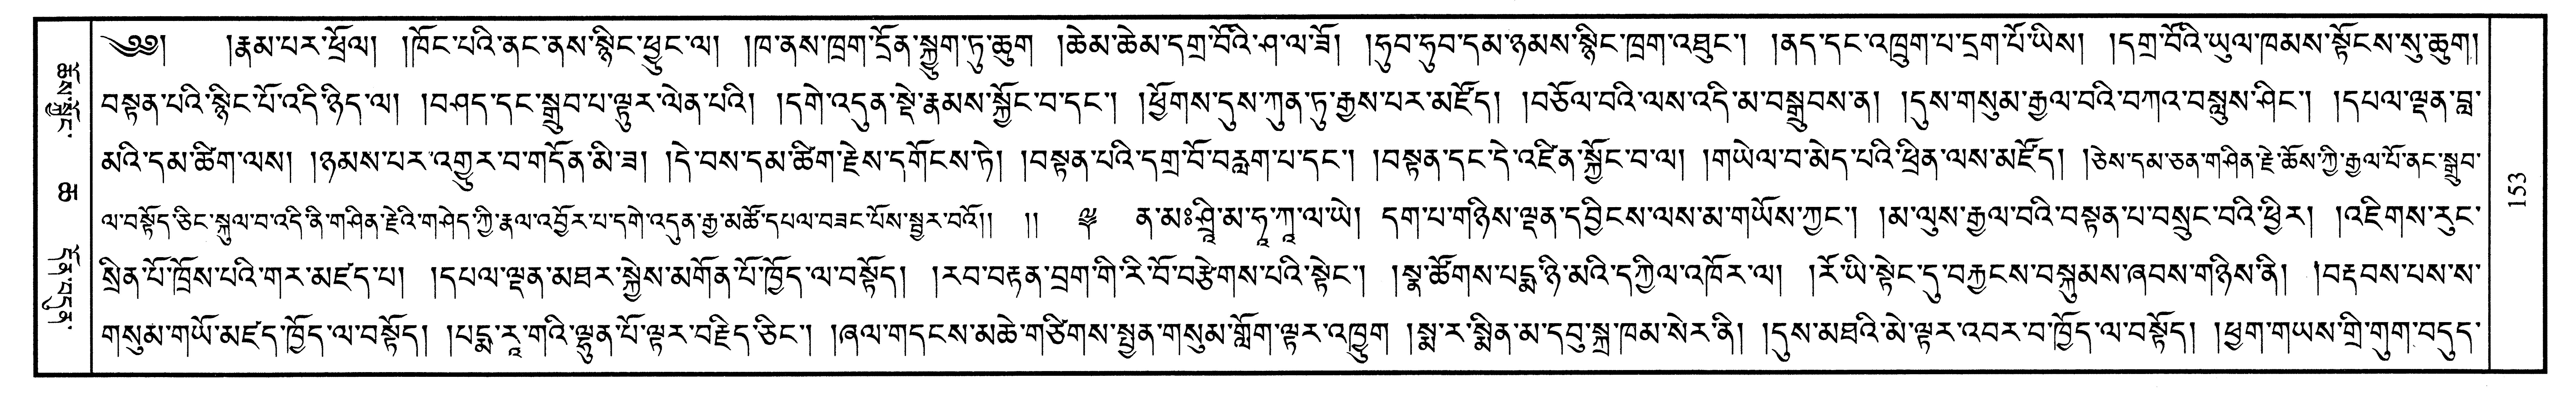༄༅། །རྣམ་པར་ཕྲོལ། །ཁོང་པའི་ནང་ནས་སྙིང་ཕྱུང་ལ། །ཁ་ནས་ཁྲག་དྲོན་སྐྱུག་ཏུ་ཆུག །ཆེམ་ཆེམ་དགྲ་བོའི་ཤ་ལ་ཟོ། །ཧུབ་ཧུབ་དམ་ཉམས་སྙིང་ཁྲག་འཐུང་། །ནད་དང་འཁྲུག་པ་དྲག་པོ་ཡིས། །དགྲ་བོའི་ཡུལ་ཁམས་སྟོངས་སུ་ཆུག།
བསྟན་པའི་སྙིང་པོ་འདི་ཉིད་ལ། །བཤད་དང་སྒྲུབ་པ་ལྟུར་ལེན་པའི། །དགེ་འདུན་སྡེ་རྣམས་སྐྱོང་བ་དང་། །ཕྱོགས་དུས་ཀུན་ཏུ་རྒྱས་པར་མཛོད། །བཅོལ་བའི་ལས་འདི་མ་བསྒྲུབས་ན། །དུས་གསུམ་རྒྱལ་བའི་བཀའ་བསླུས་ཤིང་། །དཔལ་ལྡན་བླ་
མའི་དམ་ཚིག་ལས། །ཉམས་པར་འགྱུར་བ་གདོན་མི་ཟ། །དེ་བས་དམ་ཚིག་རྗེས་དགོངས་ཏེ། །བསྟན་པའི་དགྲ་བོ་བརླག་པ་དང་། །བསྟན་དང་དེ་འཛིན་སྐྱོང་བ་ལ། །གཡེལ་བ་མེད་པའི་ཕྲིན་ལས་མཛོད། །ཅེས་དམ་ཅན་གཤིན་རྗེ་ཆོས་ཀྱི་རྒྱལ་པོ་ནང་སྒྲུབ་
ལ་བསྟོད་ཅིང་སྐུལ་བ་འདི་ནི་གཤིན་རྗེའི་གཤེད་ཀྱི་རྣལ་འབྱོར་པ་དགེ་འདུན་རྒྱ་མཚོ་དཔལ་བཟང་པོས་སྦྱར་བའོ།། །། ༈ ན་མཿ ཤྲཱི་མ་ཧཱ་ཀཱ་ལ་ཡེ། དག་པ་གཉིས་ལྡན་དབྱིངས་ལས་མ་གཡོས་ཀྱང་། །མ་ལུས་རྒྱལ་བའི་བསྟན་པ་བསྲུང་བའི་ཕྱིར། །འཇིགས་རུང་
སྲིན་པོ་ཁྲོས་པའི་གར་མཛད་པ། །དཔལ་ལྡན་མཐར་སྐྱེས་མགོན་པོ་ཁྱོད་ལ་བསྟོད། །རབ་བརྟན་བྲག་གི་རི་བོ་བརྩེགས་པའི་སྟེང་། །སྣ་ཚོགས་པདམ་ཉི་མའི་དཀྱིལ་འཁོར་ལ། །རོ་ཡི་སྟེང་དུ་བརྐྱངས་བསྐུམས་ཞབས་གཉིས་ནི། །བརྡབས་པས་ས་
གསུམ་གཡོ་མཛད་ཁྱོད་ལ་བསྟོད། །པདམ་རཱ་གའི་ལྷུན་པོ་ལྟར་བརྗིད་ཅིང་། །ཞལ་གདངས་མཆེ་གཙིགས་སྤྱན་གསུམ་གློག་ལྟར་འཁྱུག །སྨ་ར་སྨིན་མ་དབུ་སྐྲ་ཁམ་སེར་ནི། །དུས་མཐའི་མེ་ལྟར་འབར་བ་ཁྱོད་ལ་བསྟོད། །ཕྱག་གཡས་གྲི་གུག་བདུད་